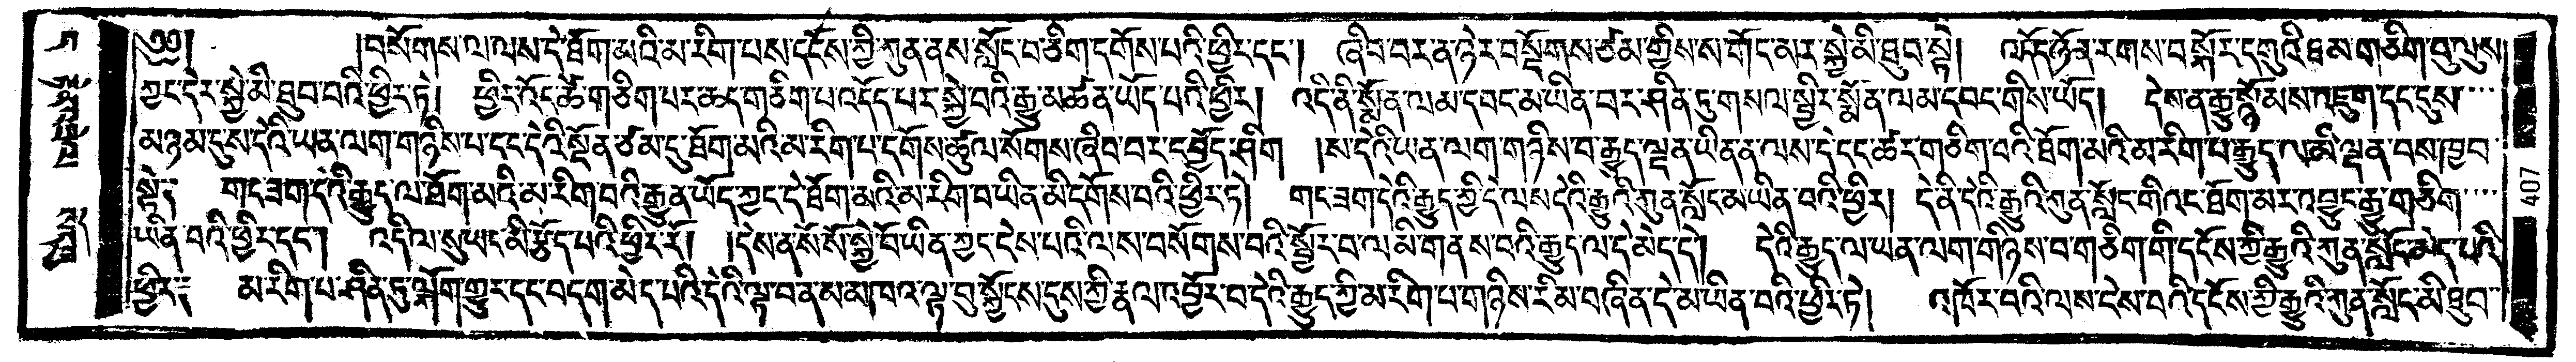༄༅། །བསོགས་ལ་ལས་དེ་ཐོག་མའི་མ་རིག་པས་དངོས་ཀྱི་ཀུན་ནས་སློང་བ་ཅིག་དགོས་པའི་ཕྱིར་དང་། ཞིབ་བར་ན་ཉེར་བསྡོགས་ཙམ་གྱིས་ས་གོང་མར་སྐྱེ་མི་ཐུབ་སྟེ། འདོད་ཉོན་རགས་བསྐོར་དགུའི་ཐམ་གཅིག་བུ་ལུས་
ཀྱང་དེར་སྐྱེ་མི་ཐུབ་པའི་ཕྱིར་ཏེ། ཕྱིར་འོང་ཚེ་གཅིག་པར་ཆད་གཅིག་པ་འདོད་པར་སྐྱེ་བའི་རྒྱུ་མཚན་ཡོད་པའི་ཕྱིར། འདི་ནི་སྨོན་ལམ་དབང་མ་ཡིན་པར་ཤིན་ཏུ་གསལ་སྤྱིར་སྨོན་ལམ་དབང་གིས་ཡོད། དེས་ན་རྒྱུ་སྙོམས་འཇུག་དང་དུས་
མཉམ་དུ་ས་དེའི་ཡན་ལག་གཉིས་པ་དང་དེའི་སྔོན་ཙམ་དུ་ཐོག་མའི་མ་རིག་པ་དགོས་ཚུལ་སོགས་ཞིབ་བར་དཔྱོད་ཤིག །ས་དེའི་ཡན་ལག་གཉིས་པ་རྒྱུད་ལྡན་ཡིན་ན་ལས་དེ་དང་ཚར་གཅིག་པའི་ཐོག་མའི་མ་རིག་པ་རྒྱུད་ལ་མི་ལྡན་པས་ཁྱབ་
སྟེ༑ གང་ཟག་དེའི་རྒྱུད་ལ་ཐོག་མའི་མ་རིག་པའི་རྒྱུན་ཡོད་ཀྱང་དེ་ཐོག་མའི་མ་རིག་པ་ཡིན་མི་དགོས་པའི་ཕྱིར་ཏེ། གང་ཟག་དེའི་རྒྱུད་ཀྱི་དེ་ལས་དེའི་རྒྱུའི་ཀུན་སློང་མ་ཡིན་པའི་ཕྱིར། དེ་ནི་དེའི་རྒྱུའི་ཀུན་སློང་གིའང་ཐོག་མར་འབྱུང་རྒྱུ་གཅིག་
ཡིན་པའི་ཕྱིར་དང་། འདི་ལ་སུ་ཡང་མི་རྩོད་པའི་ཕྱིར་རོ། །དེས་ན་སོ་སོ་སྐྱེ་བོ་ཡིན་ཀྱང་ངེས་པའི་ལས་བསོགས་པའི་སྦྱོར་བ་ལ་མི་གནས་པའི་རྒྱུད་ལ་དེ་མེད་དེ། དེའི་རྒྱུད་ལ་ཡན་ལག་གཉིས་པ་གཅིག་གི་དངོས་ཀྱི་རྒྱུའི་ཀུན་སློང་མེད་པའི་
ཕྱིར༑ མ་རིག་པ་ཤིན་ཏུ་ལྐོག་གྱུར་དང་བདག་མེད་པའི་དེའི་ལྟ་བ་ནམ་མཁའ་ལྟ་བུ་སྐྱོངས་དུས་ཀྱི་རྣལ་འབྱོར་བ་དེའི་རྒྱུད་ཀྱི་མ་རིག་པ་གཉིས་རིམ་བཞིན་དེ་མ་ཡིན་པའི་ཕྱིར་ཏེ། འཁོར་བའི་ལས་ངེས་པའི་དངོས་ཀྱི་རྒྱུའི་ཀུན་སློང་མི་ཐུབ་